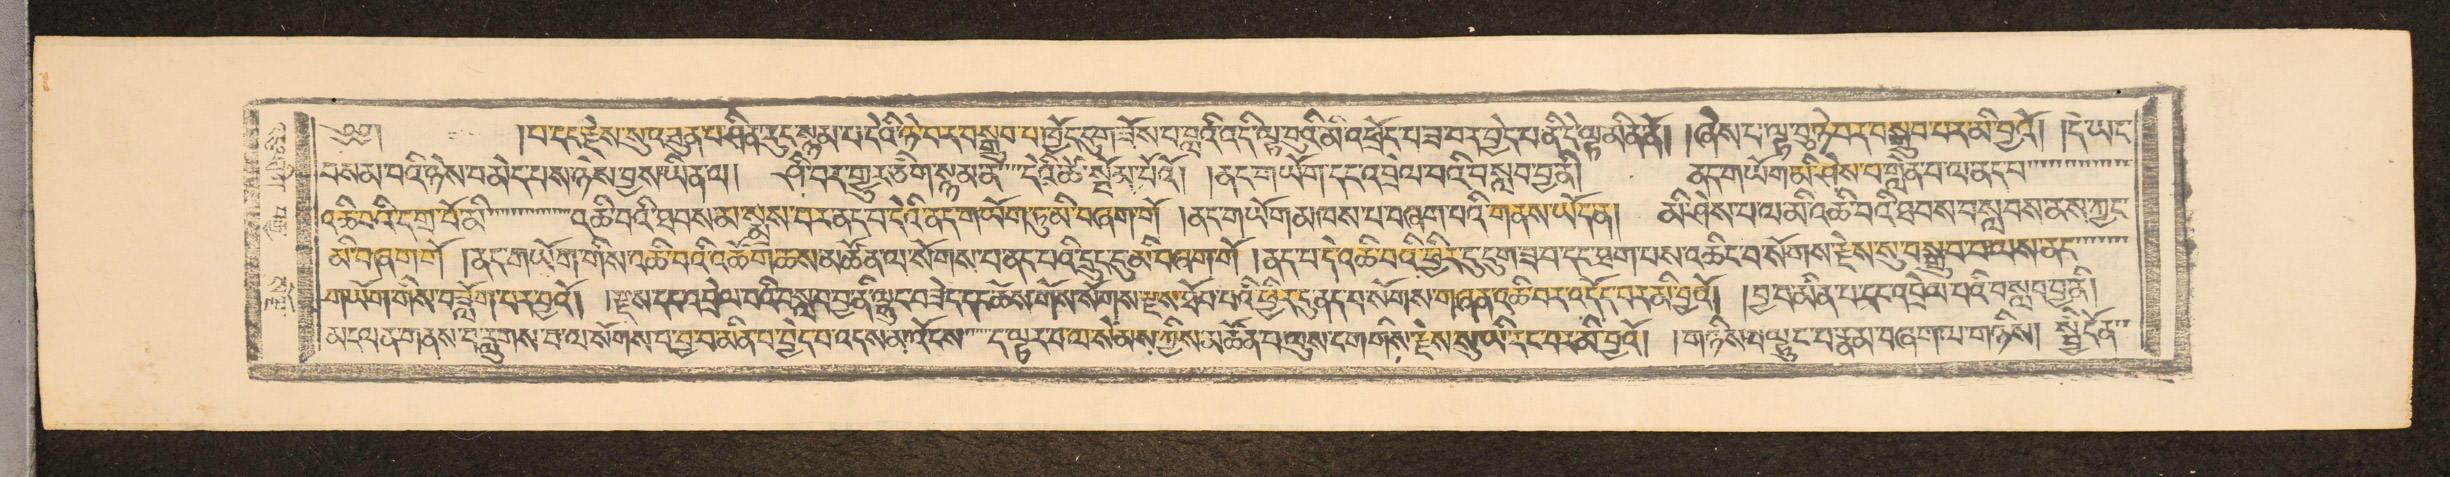༄༅། །པ་དང་རྗེས་སུ་འཐུན་པ་ཤིན་རུང་སྙམ་པ་དེའི་ཉེ་བར་བསྒྲུབ་པ་ཁྱོད་དུག་ཟོས་པ་བླའི་འདི་ལྟ་བུའི་མི་འཕྲོད་པ་ཟ་བར་བྱེད་པ་ནི་དེ་ལྟ་མིན་ནོ། །ཞེས་པ་ལྟ་བུ་ཉེ་བར་བསྒྲུབ་པར་མི་བྱའོ། །དེ་ཡང་
བསམ་པའི་ཉེས་པ་མེད་པས་ཉེས་བྱས་ཡིན་ལ། ཤི་བར་གྱུར་ཅིག་སྙམ་ན་དེའི་ཚེ་སྦོམ་པོའོ། །ནད་གཡོག་དང་འབྲེལ་བའི་བསླབ་བྱ་ནི། ནང་གཡོག་མི་ཤེས་པ་གླེན་པ་ལ་ནད་པ་
འཆི་བའི་དགྲ་བོ་མི་འཆི་བའི་ཐབས་མ་སྨས་པར་ནད་པ་དེའི་ནད་གཡོག་ཏུ་མི་བཞག་གོ །ནད་གཡོག་མཁས་པ་བཞག་པའི་གནས་ཡོད་ན། མི་ཤེས་པ་ལ་མི་འཆི་བའི་ཐབས་བསླབས་ནས་ཀྱང་
མི་བཞག་གོ །ནད་གཡོག་གིས་འཆི་བའི་འཚོག་ཆས་མཚོན་ལ་སོགས་པ་ནད་པའི་དྲུང་དུ་མི་བཞག་གོ །ནད་པ་དེ་འཆི་བའི་ཕྱིར་དུ་དུག་ཟ་བ་དང་ཐག་པས་འཆིང་བ་སོགས་རྗེས་སུ་བསྒྲུབ་པ་ལས་ནད་
གཡོག་གིས་བཟློག་པར་བྱའོ། །རྫས་དང་འབྲེལ་བའི་བསླབ་བྱ་ནི་ལྷུང་བཟེད་དང་ཆོས་གོས་སོགས་རྫས་ཐོབ་པའི་ཕྱིར་དུ་ནད་པ་སོགས་གཞན་འཆི་བར་འདོད་པར་མི་བྱའོ། །བྱ་བ་མིན་པ་དང་འབྲེལ་བའི་བསླབ་བྱ་ནི།
མངལ་ན་གནས་བརླུགས་པ་ལ་སོགས་པ་བྱ་བ་མིན་པ་བྱེད་པ་འདས་མ་འོངས་ད་ལྟར་བ་ལ་སེམས་ཀྱིས་མཚོན་པ་ལུས་ངག་གིས་རྗེས་སུ་ཡི་རང་བར་མི་བྱའོ། །གཉིས་པ་ལྟུང་བ། རྣམ་བཞག་ལ་གཉིས། སྤྱི་དོན་